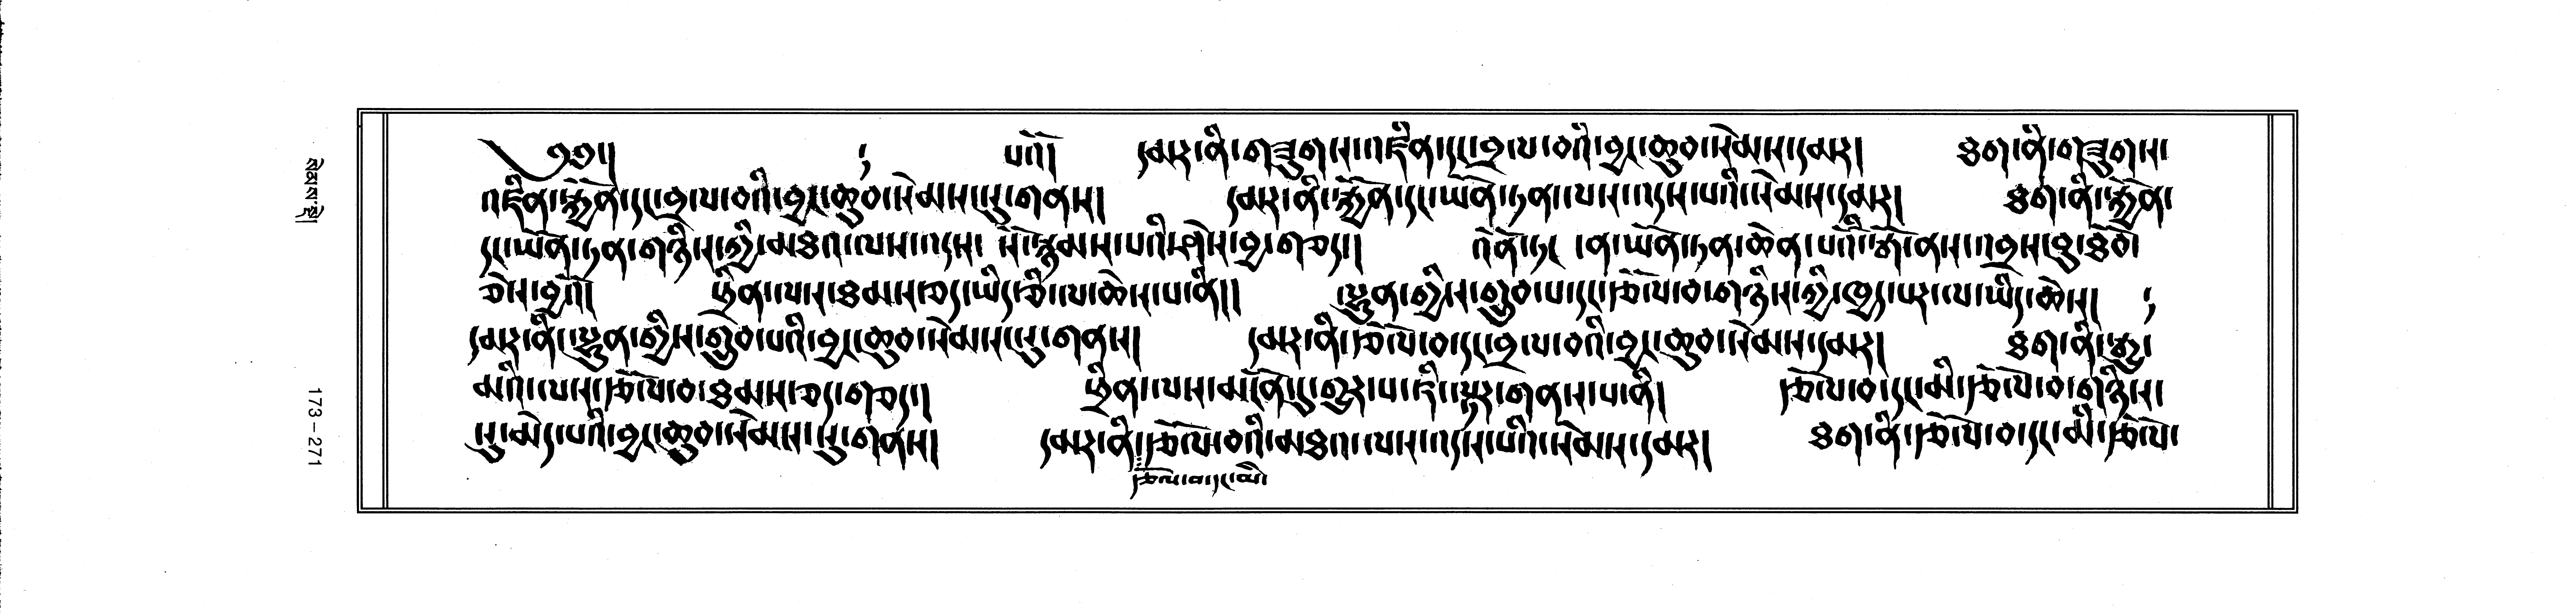པའོ། དམར་ནི་གཟུང་འཛིན་དང་བྲལ་བའི་བྱང་ཆུབ་སེམས་དམར། ཐག་ནི་གཟུང་
འཛིན་སྐྱོན་དང་བྲལ་བའི་བྱང་ཆུབ་སེམས་སུ་གནས། དམར་ནི་སྐྱོན་དང་ཡོན་ཏན་ལས་འདས་པའི་སེམས་དམར། ཐག་ནི་སྐྱོན་
དང་ཡོན་ཏན་གཉིས་ཀྱི་མཐའ་ལས་འདས་སོ་སྙམ་པའི་ཤེས་བྱ་གཅད། འོན་ཏང་ཡོན་ཏན་ཆེན་པོའི་སྒོ་ནས་འབྲས་བུ་ཐོབ་
ཅེས་བྱའོ། །ཕྲིན་ལས་ཐམས་ཅད་ཡིད་ཅི་ལ་ཆེས་པ་ནི། ལྷུན་གྱིས་གྲུབ་པ་དང་རྩོལ་བ་གཉིས་ཀྱི་ཁྱད་པར་ལ་ཡིད་ཆེས། 
དམར་ནི་ལྷུན་གྱིས་གྲུབ་པའི་བྱང་ཆུབ་སེམས་སུ་གནས། དམར་ནི་རྩོལ་བ་དང་བྲལ་བའི་བྱང་ཆུབ་སེམས་དམར། ཐག་ནི་སྒྱུ་
མའི་ལས་རྩོལ་བ་ཐམས་ཅད་གཅད། འཕྲིན་ལས་མངོན་དུ་གྱུར་པ་ཇི་ལྟར་གནས་པ་ནི། རྩོལ་བ་དང་མི་རྩོལ་བ་གཉིས་
སུ་མེད་པའི་བྱང་ཆུབ་སེམས་སུ་གནས། དམར་ནི་རྩོལ་བ་དང་མི་རྩོལ་བའི་མཐའ་ལས་འདས་པའི་སེམས་དམར། ཐག་ནི་རྩོལ་བ་དང་མི་རྩོལ་